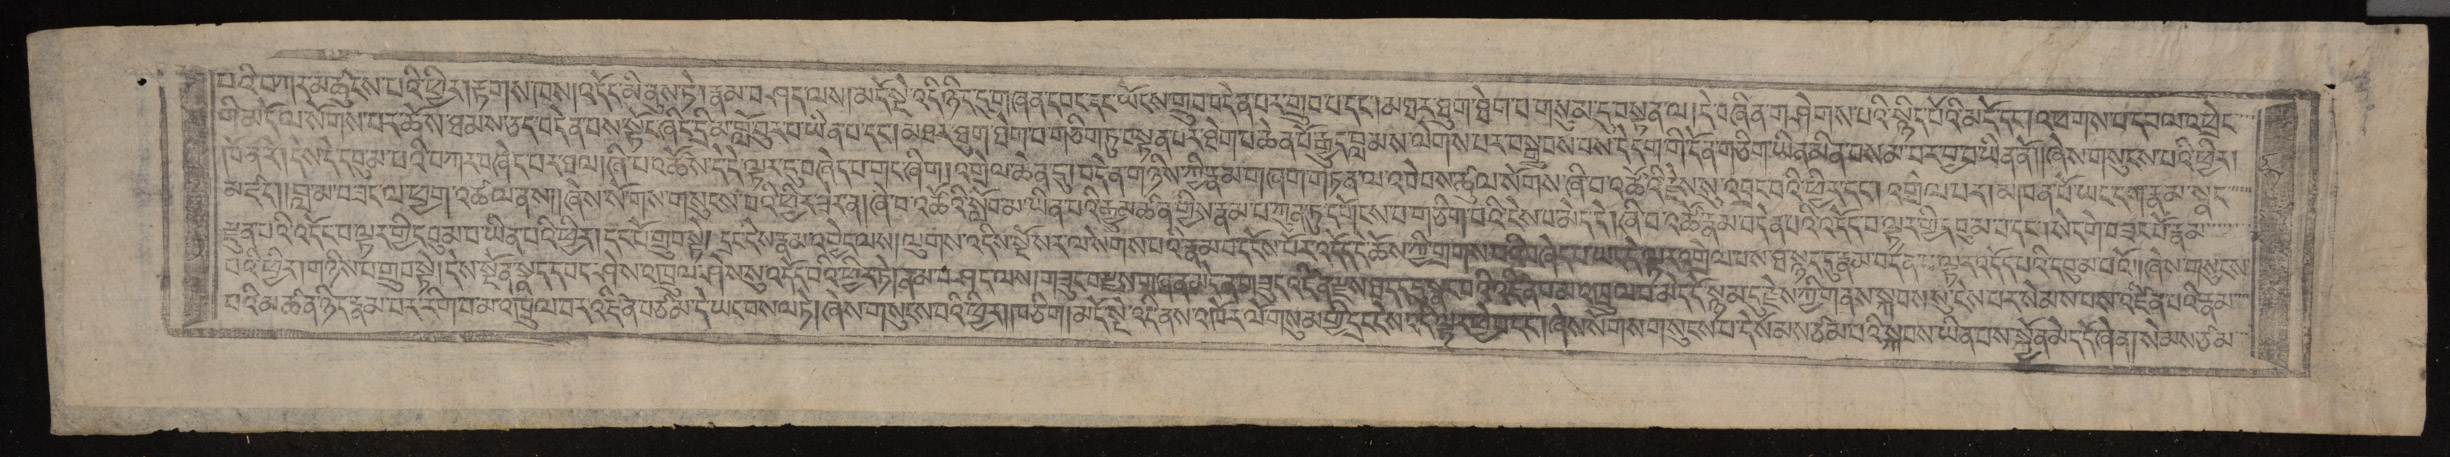པའི་བཀར་མཚུངས་པའི་ཕྱིར། རྟགས་ཁས། འདོད་མི་ནུས་ཏེ། རྣམ་བཤད་ལས། མདོ་སྡེ་འདི་ཉིད་དུ་གཞན་དབང་དང་ཡོངས་གྲུབ་བདེན་པར་གྲུབ་པ་དང་། མཐར་ཐུག་ཐེག་པ་གསུམ་དུ་བསྟན་ལ། དེ་བཞིན་གཤེགས་པའི་སྙིང་པོའི་མདོ་དང་། འཕགས་པ་དཔལ་འཕྲེང་
གི་མདོ་ལ་སོགས་པར་ཆོས་ཐམས་ཅད་བདེན་པས་སྟོང་ཞིང་དྲི་མ་བློ་བུར་བ་ཡིན་པ་དང་། མཐར་ཐུག་ཐེག་པ་གཅིག་ཏུ་བསྟན་པར་ཐེག་པ་ཆེན་པོ་རྒྱུད་བླ་མས་ལེགས་པར་བསྒྲུབས་པས་དེ་དག་གི་དོན་གཅིག་ཡིན་མིན་བསམ་པར་བྱ་བ་ཡིན་ནོ། །ཞེས་གསུངས་པའི་ཕྱིར།
ཁོ་ན་རེ། དེས་དེ་དབུ་མ་པའི་བཀར་བཞེད་པར་ཐལ། ཞི་བ་འཚོས་དེ་དེ་ལྟར་དུ་བཞེད་པ་གང་ཞིག། འགྲེལ་ཆེན་དུ། བདེན་གཉིས་ཀྱི་རྣམ་གཞག་གཏན་ལ་འབེབས་ཚུལ་སོགས་ཞི་བ་འཚོའི་རྗེས་སུ་འབྲང་བའི་ཕྱིར་དང་། འགྲེལ་པར། མཁན་པོ་ཡང་དག་རྣམ་སྣང་
མཛད། །བླ་མ་བཟང་ལ་ཕྱག་འཚལ་ནས། །ཞེས་སོགས་གསུངས་པའི་ཕྱིར་ཟེར་ན། ཞི་བ་འཚོའི་སློབ་མ་ཡིན་པའི་རྒྱུ་མཚན་གྱིས་རྣམ་པ་ཀུན་ཏུ་དགོངས་པ་གཅིག་པའི་ངེས་པ་མེད་དེ། ཞི་བ་འཚོ་རྣམ་བདེན་པའི་འདོད་པ་ལྟར་གྱི་དབུ་མ་པ་དང་། སེང་གེ་བཟང་པོ་རྣམ་
རྫུན་པའི་འདོད་པ་ལྟར་གྱི་དབུ་མ་པ་ཡིན་པའི་ཕྱིར། དང་པོ་གྲུབ་སྟེ། དྲང་ངེས་རྣམ་འབྱེད་ལས། ལུགས་འདིས་སྔོ་སར་ལ་སོགས་པའི་རྣམ་པ་དངོས་པོར་འདོད་དེ་ཆོས་ཀྱི་གྲགས་པའི་བཞེད་པ་ཡང་དེ་ལྟར་འགྲེལ་པས་ཐ་སྙད་དུ་རྣམ་བདེན་པ་ལྟར་འདོད་པའི་དབུ་མ་པའོ། །ཞེས་གསུངས་
པའི་ཕྱིར། གཉིས་པ་གྲུབ་སྟེ། དེས་སྔོན་སྣང་དབང་ཤེས་འཁྲུལ་ཤེས་སུ་འདོད་པའི་ཕྱིར་ཏེ། རྣམ་བཤད་ལས། གཟུང་བ་རྫས་གཞན་མེད་ན་གཟུང་འཛིན་རྫས་ཐ་དད་དུ་སྣང་བའི་འཛིན་པ་མ་འཁྲུལ་པ་མེད་དོ་སྙམ་དུ་རྗེས་ཀྱི་གནས་སྐབས་སུ་ངེས་པར་སེམས་པས་འཛིན་པའི་རྣམ་
པའི་མཚན་ཉིད་རྣམ་པར་རིག་པ་མ་འཁྲུལ་བར་འཛིན་པ་ཙམ་དེ་ཡང་བསལ་ཏེ། ཞེས་གསུངས་པའི་ཕྱིར། ཁ་ཅིག། མདོ་སྡེ་འདི་ནས་འཁོར་ལོ་གསུམ་གྱི་དྲང་ངེས་འདི་ལྟར་ཕྱེ་བ་དང་། ཞེས་སོགས་གསུངས་པ་དེ་སེམས་ཙམ་པའི་སྐབས་ཡིན་པས་སྐྱོན་མེད་དོ་ཞེ་ན། སེམས་ཙམ་